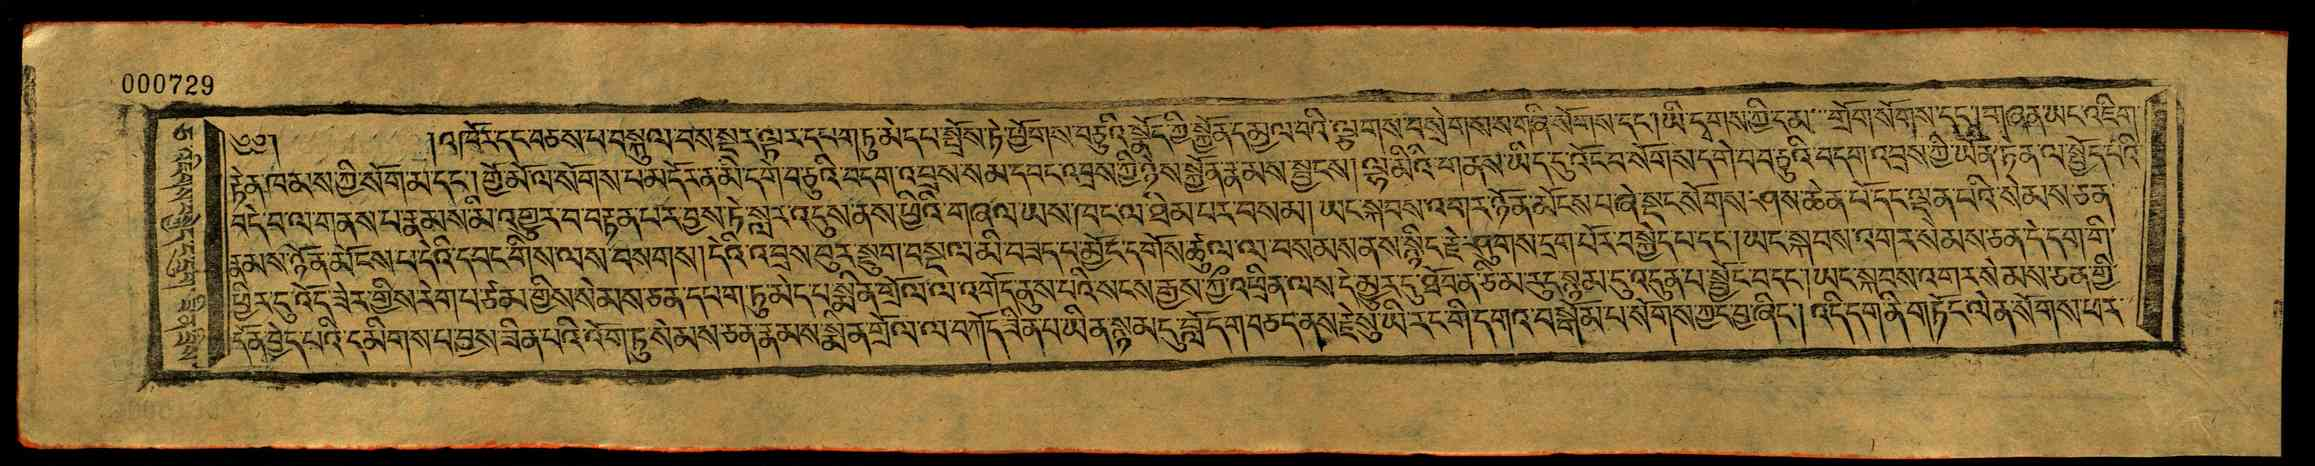༄༅། །འཁོར་དང་བཅས་པ་བསྐུལ་བས་སྔར་ལྟར་དཔག་ཏུ་མེད་པ་སྤྲོས་ཏེ་ཕྱོགས་བཅུའི་སྣོད་ཀྱི་སྐྱོན་དམྱལ་བའི་ལྕགས་བསྲེགས་ས་གཞི་སོགས་དང་། ཡི་དྭགས་ཀྱི་ངམ་གྲོག་སོགས་དང་། གཞན་ཡང་འཇིག་
རྟེན་ཁམས་ཀྱི་སེག་མ་དང་། གྱོ་མོ་ལ་སོགས་པ་མདོར་ན་མི་དགེ་བཅུའི་བདག་འབྲས་སམ་དབང་འབྲས་ཀྱི་ཉེས་སྐྱོན་རྣམས་སྦྱངས། ལྷ་མིའི་གནས་ཡིད་དུ་འོང་བ་སོགས་དགེ་བ་བཅུའི་བདག་འབྲས་ཀྱི་ཡོན་ཏན་ལ་སྤྱོད་པའི་
བདེ་བ་ལ་གནས་པ་རྣམས་མི་འགྱུར་བ་བརྟན་པར་བྱས་ཏེ་སླར་འདུས་ནས་ཕྱིའི་གཞལ་ཡས་ཁང་ལ་ཐིམ་པར་བསམ། ཡང་སྐབས་འགར་ཉོན་མོངས་པ་ཞེ་སྡང་སོགས་ཤས་ཆེན་པོ་དང་ལྡན་པའི་སེམས་ཅན་
རྣམས་ཉོན་མོངས་པ་དེའི་དབང་གིས་ལས་བསགས། དེའི་འབྲས་བུར་སྡུག་བསྔལ་མི་བཟད་པ་མྱོང་དགོས་ཚུལ་ལ་བསམས་ནས་སྙིང་རྗེ་ཤུགས་དྲག་པོར་བསྐྱེད་པ་དང་། ཡང་སྐབས་འགར་སེམས་ཅན་དེ་དག་གི་
ཕྱིར་དུ་འོད་ཟེར་གྱིས་རེག་པ་ཙམ་གྱིས་སེམས་ཅན་དཔག་ཏུ་མེད་པ་སྨིན་གྲོལ་ལ་འགོད་ནུས་པའི་སངས་རྒྱས་ཀྱི་འཕྲིན་ལས་དེ་མྱུར་དུ་ཐོབ་ན་ཅི་མ་རུང་སྙམ་དུ་འདུན་པ་སྦྱོང་བ་དང་། ཡང་སྐབས་འགར་སེམས་ཅན་གྱི་
དོན་བྱེད་པའི་དམིགས་པ་བྱས་ཟིན་པའི་འོག་ཏུ་སེམས་ཅན་རྣམས་སྨིན་གྲོལ་ལ་བཀོད་ཟིན་པ་ཡིན་སྙམ་དུ་བློ་ཐག་བཅད་ནས་རྗེས་སུ་ཡི་རང་གི་དགའ་བ་སྒོམ་པ་སོགས་ཀྱང་བྱ་ཞིང་། འདི་དག་ནི་གཏོང་ལེན་སོགས་ཕར་